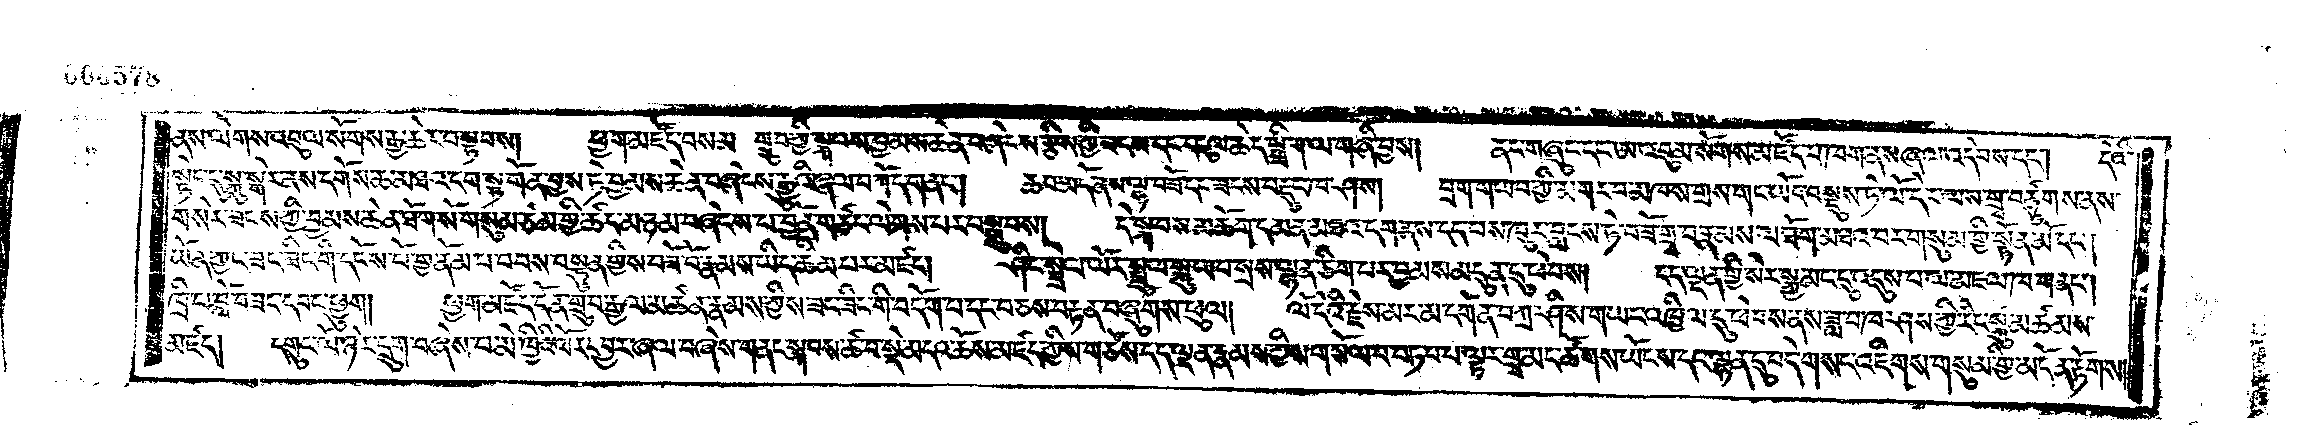ནས་ལེགས་འབུལ་སོགས་རྒྱ་ཆེར་བསྟབས། ཕྱག་མཛོད་བསམ། གྲུབ་ཀྱི་སྐབས་བྱམས་ཆེན་བཞེངས་རྩིས་ཀྱི་ཟངས་དང་དངུལ་ཆེད་སྒྲིག་ལ་གཞི་བྱས། ནང་གཞུང་དང་ཨ་འབུམ་སོགས་མཛོད་པ་ཁ་གནས་ཞལ་འདེབས་དང་། དེའི་
སྟེང་དུ་སྐུ་སྒེར་ནས་དགོས་ཆ་མཐའ་དག་སྟ་གོན་བྱས་ཏེ་བྱམས་ཆེན་བཞེངས་རྒྱུའི་ཞལ་བཀོད་གནང་། ཆབ་མདོ་ནས་ལྷ་བཟོ་དང་ཟངས་བརྡུང་ཁ་ཤས། བྲག་གཡབ་ཀྱི་མགར་བ་མཁས་གྲས་གང་ཡོང་བསྡུས་ཏེ་ལོ་དེར་ལས་གྲྭ་བཙུགས་ནས་
གསེར་ཟངས་ཀྱི་བྱམས་ཆེན་ཐོག་སོ་གསུམ་ཙམ་གྱི་ཚད་མཉམ་བཞེངས་པ་བྱོན་གཙང་ལེགས་པར་བསྒྲུབས། དེ་སྐབས་མཆོག་དམན་མཐའ་དག་ནས་དད་པས་ཁུར་བླངས་ཏེ་བཟོ་གྲྭ་བ་རྣམས་ལ་ཐོག་མཐའ་བར་གསུམ་གྱི་སྟོན་མོ་དང་།
ཡོན་ཀྱང་ཟང་ཟིང་གི་དངོས་པོ་གྱ་ནོམ་པ་བབས་བསྟུན་གྱིས་བཟོ་བོ་རྣམས་ཡིད་ཚིམ་པར་མཛད། ཤིང་སྤྲེལ་ལོར་སྤྲུལ་སྐུ་ཡབ་སྲས་ལྷན་ཅིག་པར་བྱམས་མདུན་དུ་ཕེབས། དད་ལྡན་གྱི་སེར་སྐྱ་མང་དུ་འདུས་པ་ལ་མཇལ་ཁ་གནང་།
ཁྲི་པ་བློ་བཟང་དབང་ཕྱུག། ཕྱག་མཛོད་དོན་གྲུབ་རྒྱལ་མཚན་རྣམས་ཀྱིས་ཟང་ཟིང་གི་བདོག་པ་དང་བཅས་བརྟན་བཞུགས་ཕུལ། ལོ་དེའི་རྗེས་མར་མ་དགོན་བཀྲ་ཤིས་གཡང་འཁྱིལ་དུ་ཕེབས་ནས་ཟླ་བ་ཁ་ཤས་ཀྱི་རིང་སྐུ་མཚམས་
མཛད། དགུང་ལོ་ཉེར་དྲུག་བཞེས་པ་མེ་ཁྱིའི་ལོ་རང་བྱར་ཞལ་བཞེས་གནང་སྐབས་ཚ་བ་སྡེ་མདའ་ཆོས་མཛད་ཀྱིས་གཙོས་དད་ལྡན་རྣམས་ཀྱིས་གསོལ་བ་བཏབ་པ་ལྟར་གྲྭ་མང་ཚོགས་ཡོངས་དང་ལྷན་དུ་བདེ་གསང་འཇིགས་གསུམ་གྱི་མདོན་རྟོགས།